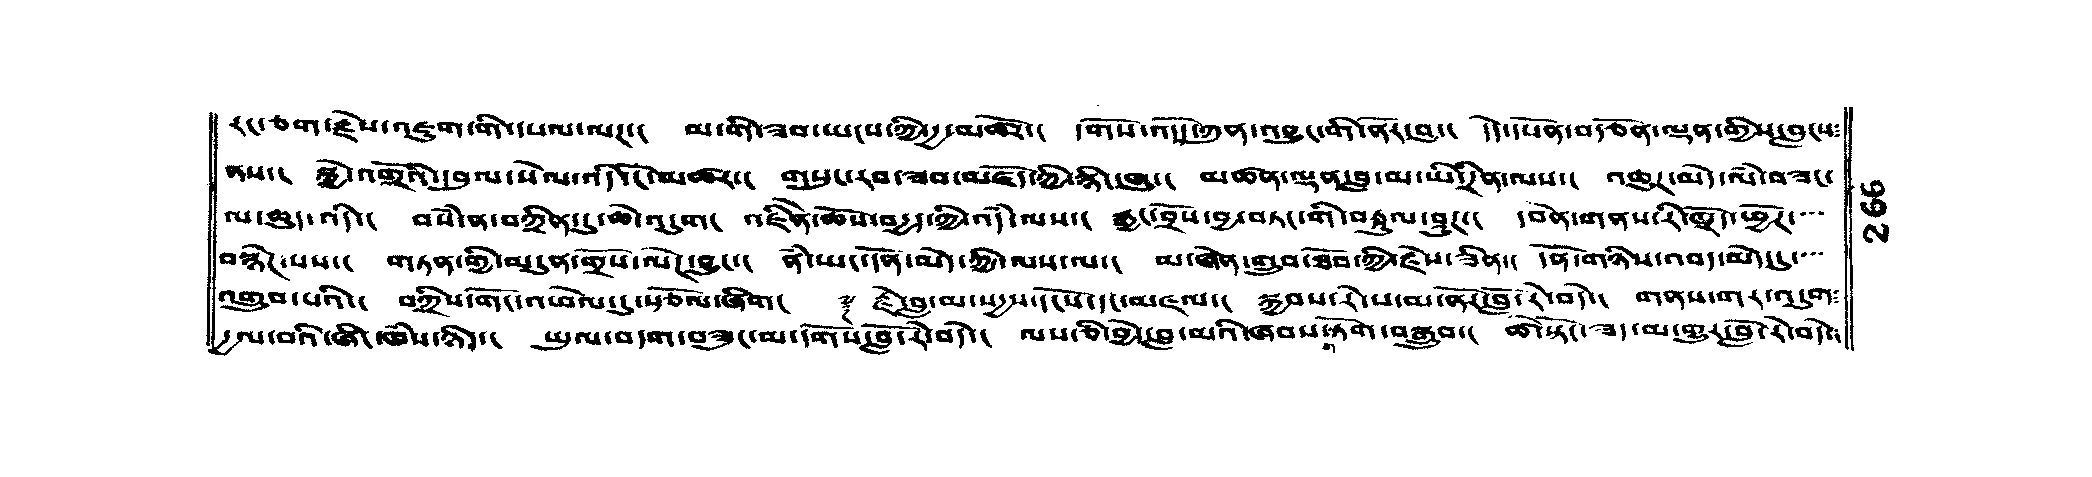།རང་ཅག་རྗེས་འཇུག་གི་དཔལ་ལགས། །མ་གི་ཟབ་ཡངས་ཀྱི་རྒྱ་མཚོར། །དགོས་འདོད་ཀུན་འབྱུང་གི་ནོར་བུ། །དེད་དཔོན་བརྩོན་ལྡན་གྱིས་བླངས་
ནས། །སྐྱེ་འགྲོའི་དབུལ་སེལ་འདི་ངོ་མཚར། །གསུང་རབ་ཟབ་མཛོད་ཀྱི་སྙིང་ཁུ། །མཚན་ལྡན་བླ་མ་ཡི་དྲིན་ལས། །འཆུགས་མེད་ལམ་བཟང་
ལ་ཚུད་འདི། །བསམ་ན་བཀའ་དྲིན་དུ་ཆེ་འདུག །འཇིག་རྟེན་ཆོས་བརྒྱད་ཀྱི་འདམ་ལས། །རྒྱང་བྲོས་བྱ་བཏང་གི་བརྟུལ་ཤུགས། །དབེན་གནས་རི་ཁྲོད་ཕྱོགས་
བསྙེགས་པས། །གཏན་གྱི་མདུན་གྲོས་ལེགས་བྱུང་། །ནམ་ཡང་དོན་མེད་ཀྱི་ལས་ལ། །མ་ཞེན་གྲུབ་ཐོབ་ཀྱི་རྗེས་ཟིན། །དོན་གཉིས་འབད་མེད་དུ་
འགྲུབ་པའི། །བཀྲ་ཤིས་གོང་འཕེལ་དུ་སྩོལ་ཞིག། ༈ རྗེ་བླ་མ་སངས་རྒྱས་དངོས་དང་མཇལ། །སྐྱབས་རེ་ས་མ་ནོར་བློ་རེ་བདེ། །གནས་གར་འདུག་
རྒྱལ་བའི་ཞིང་ཁམས་ཉིད། །ཡུལ་བདག་བཟུང་མ་དགོས་བློ་རེ་བདེ། །ལས་ཅི་བྱེད་བླ་མའི་ཞབས་ཏོག་བསྒྲུབ། །ཚེ་སྟོང་ཟད་མ་གྱུར་བློ་རེ་བདེ།